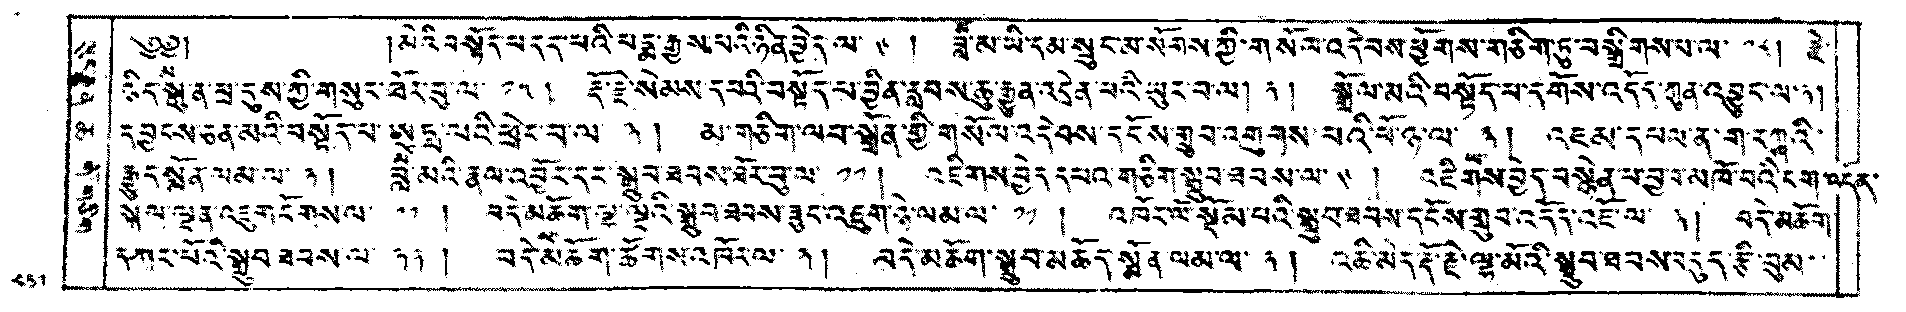༄༅། །མེའི་བསྟོད་པ་དད་པའི་པདམ་རྒྱས་པའི་ཉིན་བྱེད་ལ ༤། བླ་མ་མ་ཡི་དམ་སྲུང་མ་སོགས་ཀྱི་གསོལ་འདེབས་ཕྱོགས་གཅིག་ཏུ་བསྒྲིགས་པ་ལ ༡༨། རྗེ་
ཉིད་མ་སྐུ་ན་ཕྲ་དུས་ཀྱི་གསུང་ཐོར་བུ་ལ ༡༥། རྡོ་རྗེ་སེམས་དཔའི་བསྟོད་པ་བྱིན་རླབས་ཆུ་རྒྱུན་འདྲེན་པའི་ཡུར་བ་ལ། ༢། སྒྲོལ་མའི་བསྟོད་པ་དགོས་འདོད་ཀུན་འབྱུང་ལ ༢།
དབྱངས་ཅན་མའི་བསྟོད་པ་ཨུཏྤ་ལའི་ཕྲེང་བ་ལ ༣། མ་གཅིག་ལབ་སྒྲོན་གྱི་གསོལ་འདེབས་དངོས་གྲུབ་འགུགས་པའི་ཕོ་ཉ་ལ ༣། འཇམ་དཔལ་ན་ག་རཀྴའི་
རྒྱུད་སྨོན་ལམ་ལ ༢། བླ་མ་མའི་རྣལ་འབྱོར་དང་སྒྲུབ་ཐབས་ཐོར་བུ་ལ ༡༡། འཇིགས་བྱེད་དཔའ་གཅིག་སྒྲུབ་ཐབས་ལ ༤། འཇིགས་ཡ་བྱེད་བསྙེན་པ་བྱ་བ་མཁོ་བའི་ངག་
སྐལ་ལྡན་འཇུག་ངོགས་ལ ༡༡། བདེ་མཆོག་ལྷ་ལྔའི་སྒྲུབ་ཐབས་ཟུང་འཇུག་ཉེ་ལམ་ལ ༡༡། འཁོར་ལོ་སྡོམ་པའི་སྒྲུབ་ཐབས་དངོས་གྲུབ་འདོད་འཇོ་ལ ༣། བདེ་མཆོག་
དཀར་པོའི་སྒྲུབ་ཐབས་ལ ༢༢། བདེ་ས་མཆོག་ཚོགས་འཁོར་ལ ༢། བདེ་མཆོག་སྒྲུབ་མཆོད་སྨོན་ལམ་ལ ༢། འཆི་མེད་རྡོ་རྗེ་ལྷ་མོའི་སྒྲུབ་ཐབས་བདུད་རྩི་བུམ་